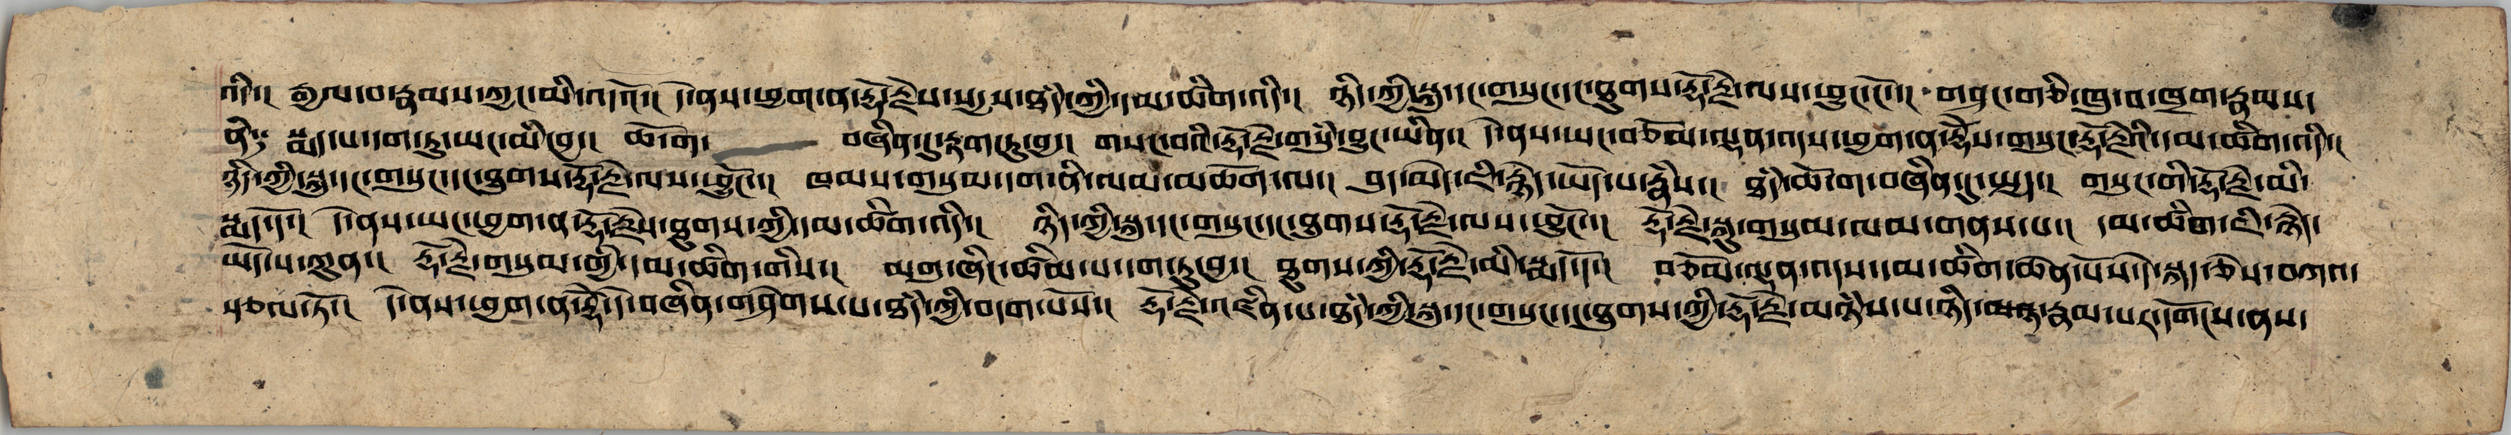འདི་། རྒྱལ་བ་རྣམས་ཀྱང་མི་འདའོ་། དེ་ནས་ཕྱག་ན་རྡོ་རྗེས་སདྱས་ཐཾད་ཀྱི་དམ་ཚིག་འདི་། ཉིད་ཀྱི་སྐུ་དང་གསུང་དང་ཐུགས་རྡོ་རྗེ་ལས་ཕྱུང་ངོ་་། གཤང་གཅི་ཁུ་བ་ཁྲག་རྣམས་
ནི༑ སྨད་པ་དག་ཏུ་ཡང་མི་བྱ་། ཆོ་ག་ བཞིན་དུ་རྟག་ཏུ་བྱ་། གསང་བའི་རྡོ་རྗེ་གསུཾ་བྱུང་ཡིན་། དེ་ནས་ཡང་བཅོམ་ལྡན་འདས་ཕྱག་ན་རྡོེས་གསུང་རྡོ་རྗེའི་དམ་ཚིག་འདི་།
ཉིད་ཀྱི་སྐུ་དང་གསུང་དང་ཐུགས་རྡོ་རྗེ་ལས་ཕྱུངོ་་། ཁམས་གསུམ་དག་ནི་ལམ་མཆོག་ལ་། བུད་མེད་ཇི་རྙེད་ཡོད་པ་རྣཾས་། ཐཾད་ཆོ་ག་བཞིན་དུ་སྤྱད་། གསུང་གི་རྡོ་རྗེ་མི་
སྨད་དོ་། དེ་ནས་ཡང་ཕྱག་ན་རྡོ་རྗེས་ཐུགས་ཀྱི་དམ་ཚིག་འདི་། ཉིད་ཀྱི་སྐུ་དང་གསུང་དང་ཐུགས་རྡོ་རྗེ་ལས་ཕྱུངོ་་། རྡོ་རྗེ་སྐུ་གསུམ་ལམ་གནས་པ་། དམ་ཚིག་ཇི་རྙེད་
ཡོད་པ་ཀུན་། རྡོ་རྗེ་གསུམ་གྱི་དམ་ཚིག་གིས་། མགུ་ཞིང་ཚིམ་པ་དག་ཏུ་བྱ་། ཐུགས་ཀྱི་རྡོ་རྗེ་མི་སྨད་དོ་། བཅོམ་ལྡན་འདས་དམ་ཚིག་ཆེན་པོས་དེ་སྐད་ཅེས་བཀའ་
སྩལ་ཏོ་། དེ་ནས་ཕྱག་ན་རྡོེ་དེ་བཞིན་གཤེགས་པ་ཐཾད་ཀྱི་བདག་པོས་། རྡོ་རྗེ་འཛིན་པ་ཐཾད་ཀྱི་སྐུ་དང་གསུང་དང་ཐུགས་ཀྱི་རྡོ་རྗེ་མཉཾས་པ་ཉིད་རྣམ་པར་དགོངས་ནས་